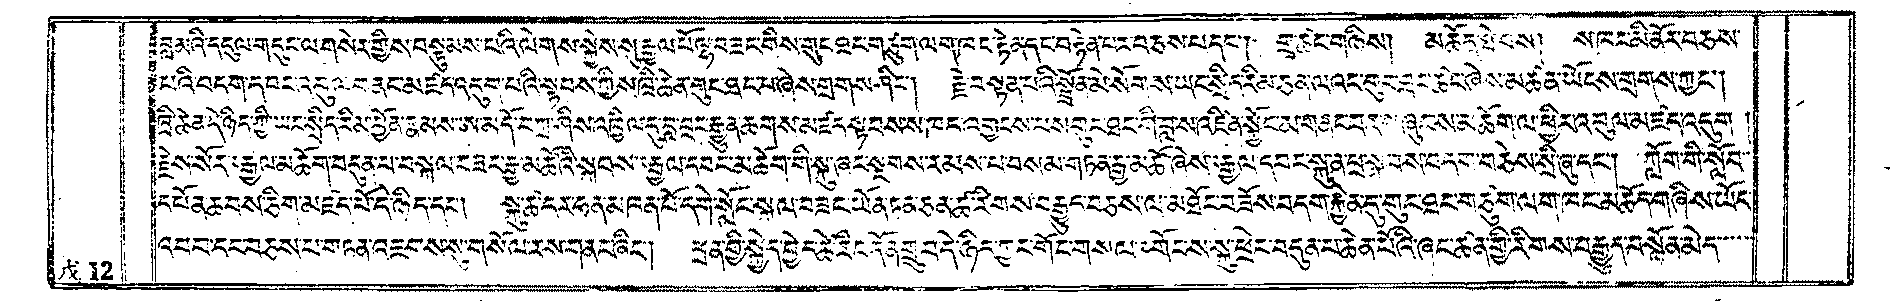བླ་མའི་དངུལ་གདུང་ལ་གསེར་གྱིས་བསྟུམས་པའི་ལེགས་སྐྱེས་སུ་རྒྱལ་པོ་ལྷ་བཟང་གིས་གུང་ཐང་གཙུག་ལག་ཁང་རྟེན་དང་བརྟེན་པར་བཅས་པ་དང་། གྲྭ་ཚང་གཉིས། མཆོད་ཐེབས། ས་ཁང་མི་ནོར་བཅས་
པའི་བདག་དབང་འབུལ་གནང་མཛད་འདུག་པའི་སྟབས་ཀྱིས་ཁྲི་ཆེན་གུང་ཐང་པ་ཞེས་གྲགས་ཤིང་། རྗེ་བསྟན་པའི་སྒྲོན་མེ་སོགས་ཡང་སྲིད་རིམ་ཅན་ལའང་གུང་ཐང་ཚང་ཞེས་མཚན་ཡོངས་གྲགས་ཀྱང་།
ཁྲི་ཆེན་དེ་ཉིད་ཀྱི་ཡང་སྲིད་རིམ་བྱོན་རྣམས་ཨ་མདོ་བཀྲ་ཤིས་འཁྱིལ་དུ་བླ་བྲང་རྒྱུན་ཆགས་མཛད་སྟབས་ས་ཁང་འགྱངས་པས་གུང་ཐང་གི་བླ་ས་འཛིན་སྐྱོང་མ་གནང་བར་གཞུང་ས་མཆོག་ལ་ཕྱིར་འབུལ་མཛད་འདུག །
རྗེས་སོར ༧རྒྱལ་མཆོག་བདུན་པ་བསྐལ་བཟང་རྒྱ་མཚོའི་སྐབས ༧རྒྱལ་དབང་མཆོག་གི་སྐུ་ཞང་སྔགས་རམས་པ་བསམ་གཏན་རྒྱ་མཚོ་ཞེས ༧རྒྱལ་དབང་སྐུ་ན་ཕྲ་སྐབས་བདག་གཅེས་སྲི་ཞུ་དང་། ཀློག་གི་སློབ་
དཔོན་ཆབས་ཅིག་མཛད་པོ་དེ་ཉིད་དང་། སྐུ་ཚ་དར་ཧན་མཁན་པོ་དགེ་སློང་སྐལ་བཟང་ཡོན་ཏན་ཅན་ཚ་རིགས་བརྒྱུད་བཅས་ལ་མཐོང་བཟོས་བདག་རྐྱེན་དུ་གུང་ཐང་གཙུག་ལག་ཁང་མཆོད་གཞིས་ཡོང་
འབབ་དང་བཅས་པ་གཏན་འཇགས་སུ་གསོལ་རས་གནང་ཞིང་། ཕྲན་གྱི་སྐྱེད་བྱེད་ཚེ་རིང་དོན་གྲུབ་དེ་ཉིད་ཀྱང་གོང་གསལ ༧གོང་ས་སྐུ་ཕྲེང་བདུན་པ་ཆེན་པོའི་ཞང་ཚན་གྱི་རིགས་བརྒྱུད་པ་བསྙོན་མེད་